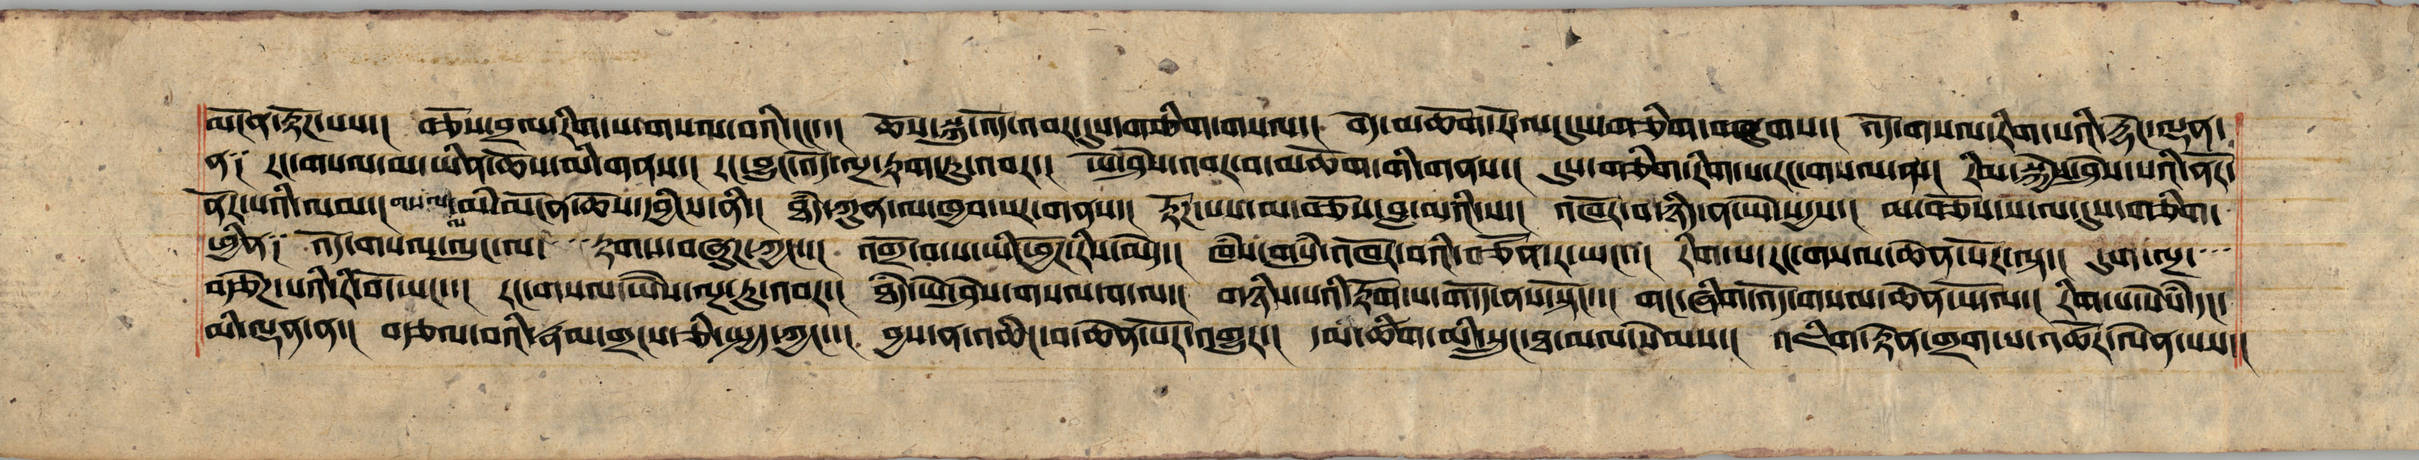མངོན་རྟོཌ་པས་། བཅོས་བྲལ་རིག་པ་གསལ་བའི་ངང་་། ཆོས་སྐུ་འོད་འབར་དུས་གཅིག་གསལ་། བདེ་མཆོག་རོ་ལ་དུས་གཅིག་བཞུགས་། འོད་གསལ་རིག་པའི་རྡེང་ལྡན་
ན༑ རང་གསལ་མ་ཡིན་ཆོས་མི་གནས་། རང་བྱུང་འོད་ལྔ་རྟག་ཏུ་འབར་། ཡེ་ཤེས་འབར་བ་མཆོག་གི་གནས་། དུས་གཅིག་རིག་པ་རང་གསལ་ན་། རིམ་སྐྱེས་ཤེས་པའི་ནོར་
ནོར་པའི་ལམ་། གསལ་ལ་མི་མངོན་ཆོས་དབྱིངས་ནི་། ཐཾད་ཀུན་ལ་ཁྱབ་པར་གནས་། རྟོཌ་པས་མ་བཅོས་བླ་མའི་ས་། འཁོར་བ་ཉིད་ན་ཡེ་སདྱས་། མ་བཅོས་ས་ལ་དུས་གཅིག་
ཕྱིན༑ འོད་གསལ་ལུང་ལ་ རྟགས་བཞུཌ་ཀྱང་་། འགྲོ་བ་པ་ཡི་ཕྱོཌ་རིས་མེད་། ཁཾས་གསུཾ་འཁོར་བའི་བཙོན་ར་ཡང་་། རིག་པ་རང་གསལ་ཆེན་པོར་ལྟ་། དུག་ལྔ་
བརྩེཌ་པའི་རི་བོ་ཡང་་། རང་གསལ་ཡཻས་ལྔ་རུ་འབར་། ཐཾད་ཡེ་ཤེས་གསལ་བ་ལ་། གཉིས་པའི་རྟོག་པ་གདོད་ནས་སྟོང་་། གང་ཞིག་འོད་གསལ་ཆེན་པོ་ལ་། རིག་པ་སེཾས་དང་
མི་ལྡན་ན་། བརྩལ་བའི་རྣམ་གྲངས་ཅི་སྤྱད་ཀྱང་་། བྱས་ན་འཆིང་བ་ཆེན་པོར་འགྱུར་། དམ་ཚིག་མི་སྲུང་ཐ་མལ་སེམས་། འཇིག་རྟེན་གྲག་པ་འཚོར་ལེན་པས་།